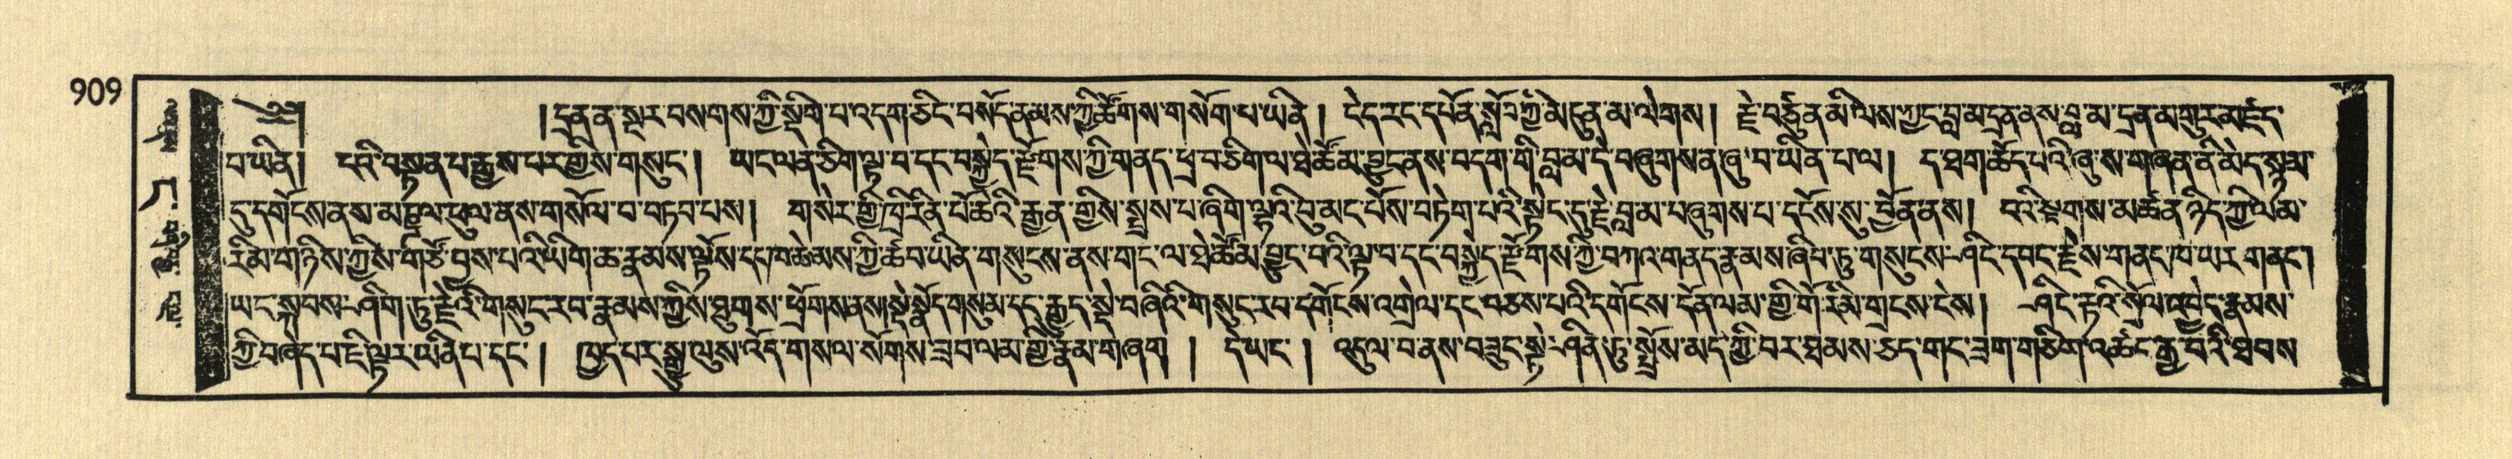༄༅། །དྲན་ན་སྔར་བསགས་ཀྱི་སྡིག་པ་འདག་ཅིང་བསོད་ནམས་ཀྱི་ཚོགས་གསོག་པ་ཡིན། ངེད་རང་དཔོན་སློབ་ཀྱི་མདུན་མ་ལེགས། རྗེ་བཙུན་མི་ལས་ཀྱང་བླ་མ་དྲན་ནས་བླ་མ་དྲན་མགུར་མཛད་
པ་ཡིན། ངའི་བསྟན་པ་རྒྱས་པར་གྱིས་གསུང་། ཡང་ལན་ཅིག་ལྟ་བ་དང་བསྐྱེད་རྫོགས་ཀྱི་གནད་ཕྲ་བ་ཅིག་ལ་ཐེ་ཚོམ་བྱུང་ནས་བདག་གི་བླ་མ་དེ་བཞུགས་ན་ཞུ་བ་ཡིན་པ་ལ། ད་ཐག་ཆོད་པའི་ཞུ་ས་གཞན་ནི་མེད་སྙམ་
དུ་དགོངས་ནས་མཎྜལ་ཕུལ་ནས་གསོལ་བ་བཏབ་པས། གསེར་གྱི་ཁྲི་རིན་པོ་ཆེའི་རྒྱན་གྱིས་སྤྲས་པ་ཞིག་ལྷའི་བུ་མང་པོས་བཏེག་པའི་སྟེང་དུ་རྗེ་བླ་མ་བཞུགས་པ་དངོས་སུ་བྱོན་ནས། ངའི་སྟགས་མཚན་ཉིད་ཀྱི་ལམ་
རིམ་གཉིས་ཀྱིས་གཙོ་བྱས་པའི་ཡིག་ཆ་རྣམས་ལྟོས་དང་ཁ་ཆེམས་ཀྱི་ཚབ་ཡིན་གསུངས་ནས་གང་ལ་ཐེ་ཚོམ་བྱུང་བའི་ལྟ་བ་དང་བསྐྱེད་རྫོགས་ཀྱི་བཀའ་གནད་རྣམས་ཞིབ་ཏུ་གསུངས་ཤིང་དབང་རྗེས་གནང་ཁ་ཡར་གནང་།
ཡང་སྐབས་ཤིག་ཏུ་རྗེའི་གསུང་རབ་རྣམས་ཀྱིས་ཐུགས་ཕྲོགས་ནས། སྡེ་སྣོད་གསུམ་དང་རྒྱུད་སྡེ་བཞིའི་གསུང་རབ་དགོངས་འགྲེལ་དང་བཅས་པའི་དགོངས་དོན་ལམ་གྱི་གོ་རིམ་གྲངས་ངེས། ཤིང་རྟའི་སྲོལ་འབྱེད་རྣམས་
ཀྱི་བཞེད་པ་ཇི་ལྟར་ཡིན་པ་དང་། ཁྱད་པར་སྒྱུ་ལུས་འོད་གསལ་སོགས་ཟབ་ལམ་གྱི་རྣམ་གཞག། དེ་ཡང་། འདུལ་བ་ནས་བཟུང་སྟེ་ཤིན་ཏུ་སྤྲོས་མེད་ཀྱི་བར་ཐམས་ཅད་གང་ཟག་གཅིག་འཚང་རྒྱ་བའི་ཐབས་